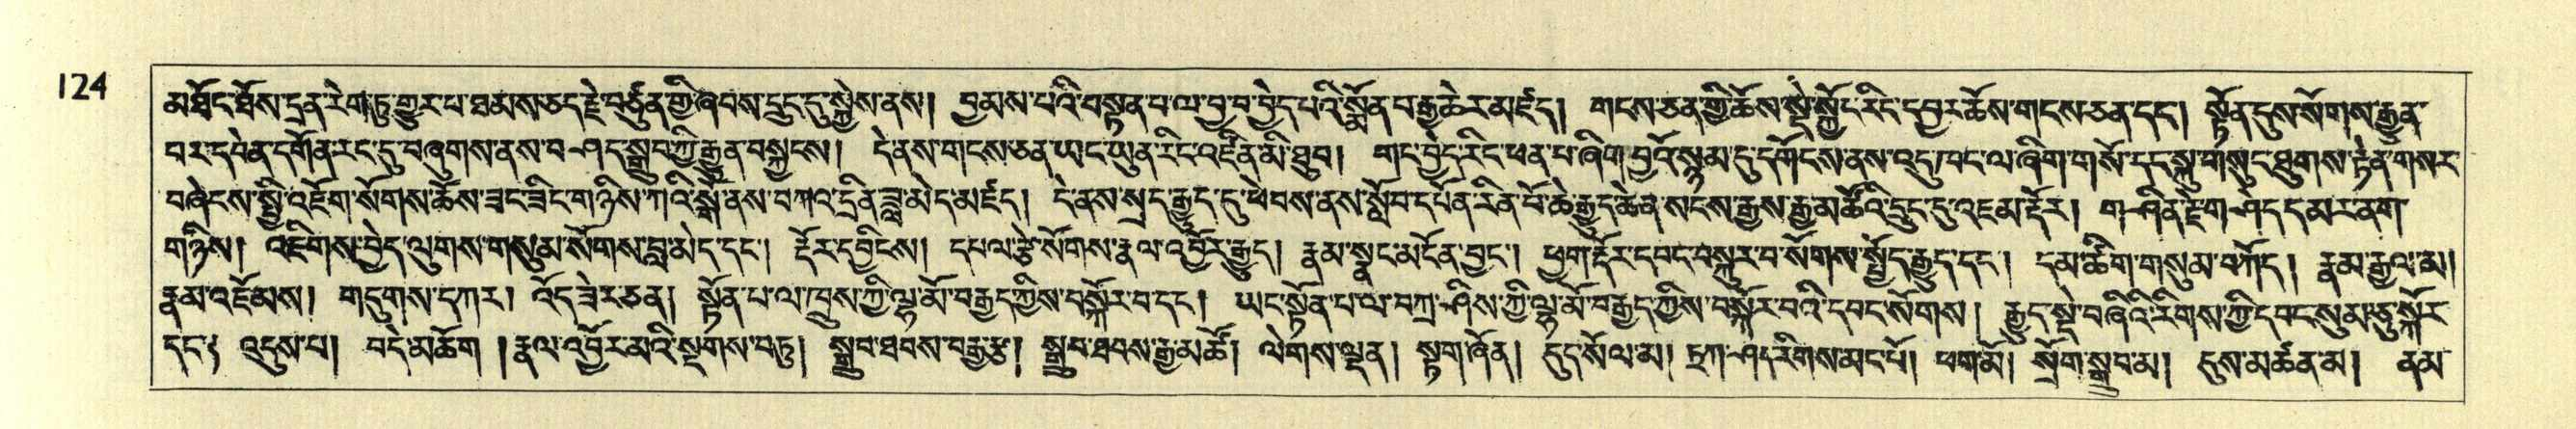མཐོང་ཐོས་དྲན་རེག་ཏུ་གྱུར་པ་ཐམས་ཅད་རྗེ་བཙུན་གྱི་ཞབས་དྲུང་དུ་སྐྱེས་ནས། བྱམས་པའི་བསྟན་པ་ལ་བྱ་བ་བྱེད་པའི་སྨོན་བརྒྱ་ཆེར་མཛད། གངས་ཅན་གྱི་ཆོས་སྡེ་སྐྱོང་རིང་དབྱར་ཆོས་གངས་ཅན་དང་། སྟོན་དུས་སོགས་རྒྱུན་
བར་དབེན་དགོན་རང་དུ་བཞུགས་ནས་བཤད་སྒྲུབ་ཀྱི་རྒྱུན་བསྐྱངས། དེ་ནས་གངས་ཅན་ཡང་ཡུན་རིང་འཛིན་མི་ཐུབ། གང་བྱེད་རིང་ཕན་པ་ཞིག་བྱའོ་སྙམ་དུ་དགོངས་ནས་འདུ་ཁང་ལ་ཞིག་གསོ་དང་སྐུ་གསུང་ཐུགས་རྟེན་གསར་
བཞེངས་སྤྱི་འཇོག་སོགས་ཆོས་ཟང་ཟིང་གཉིས་ཀའི་སྒོ་ནས་བཀའ་དྲིན་ཟླ་མེད་མཛད། དེ་ནས་སྲད་རྒྱུད་དུ་ཕེབས་ནས་སློབ་དཔོན་རིན་པོ་ཆེ་རྒྱུད་ཆེན་སངས་རྒྱས་རྒྱ་མཚོའི་དྲུང་དུ་འཇམ་རྡོར། གཤིན་རྗེ་གཤེད་དམར་ནག་
གཉིས། འཇིགས་བྱེད་ལུགས་གསུམ་སོགས་བླ་མེད་དང་། རྡོར་དབྱིངས། དཔལ་རྩེ་སོགས་རྣལ་འབྱོར་རྒྱུད། རྣམ་སྣང་མངོན་བྱང་། ཕྱག་རྡོར་དབང་བསྐུར་བ་སོགས་སྤྱོད་རྒྱུད་དང་། དམ་ཚིག་གསུམ་བཀོད། རྣམ་རྒྱལ་མ།
རྣམ་འཇོམས། གདུགས་དཀར། འོད་ཟེར་ཅན། སྟོན་པ་ལ་ཁྲུས་ཀྱི་ལྷ་མོ་བརྒྱད་ཀྱིས་བསྐོར་བ་དང་། ཡང་སྟོན་པ་ལ་བཀྲ་ཤིས་ཀྱི་ལྷ་མོ་བརྒྱད་ཀྱིས་བསྐོར་བའི་དབང་སོགས། རྒྱུད་སྡེ་བཞིའི་རིགས་ཀྱི་དབང་སུམ་ཅུ་སྐོར་
དང༑ འདུས་པ། བདེ་མཆོག །རྣལ་འབྱོར་མའི་སྔགས་བཏུ། སྒྲུབ་ཐབས་བརྒྱ་རྩ། སྒྲུབ་ཐབས་རྒྱ་མཚོ། ལེགས་ལྡན། སྟག་ཞོན། དུད་སོལ་མ། ཏྲཀ་ཤད་རིགས་མང་པོ། ཕག་མོ། སྲོག་སྒྲུབ་མ། དུས་མཚན་མ། ནམ་